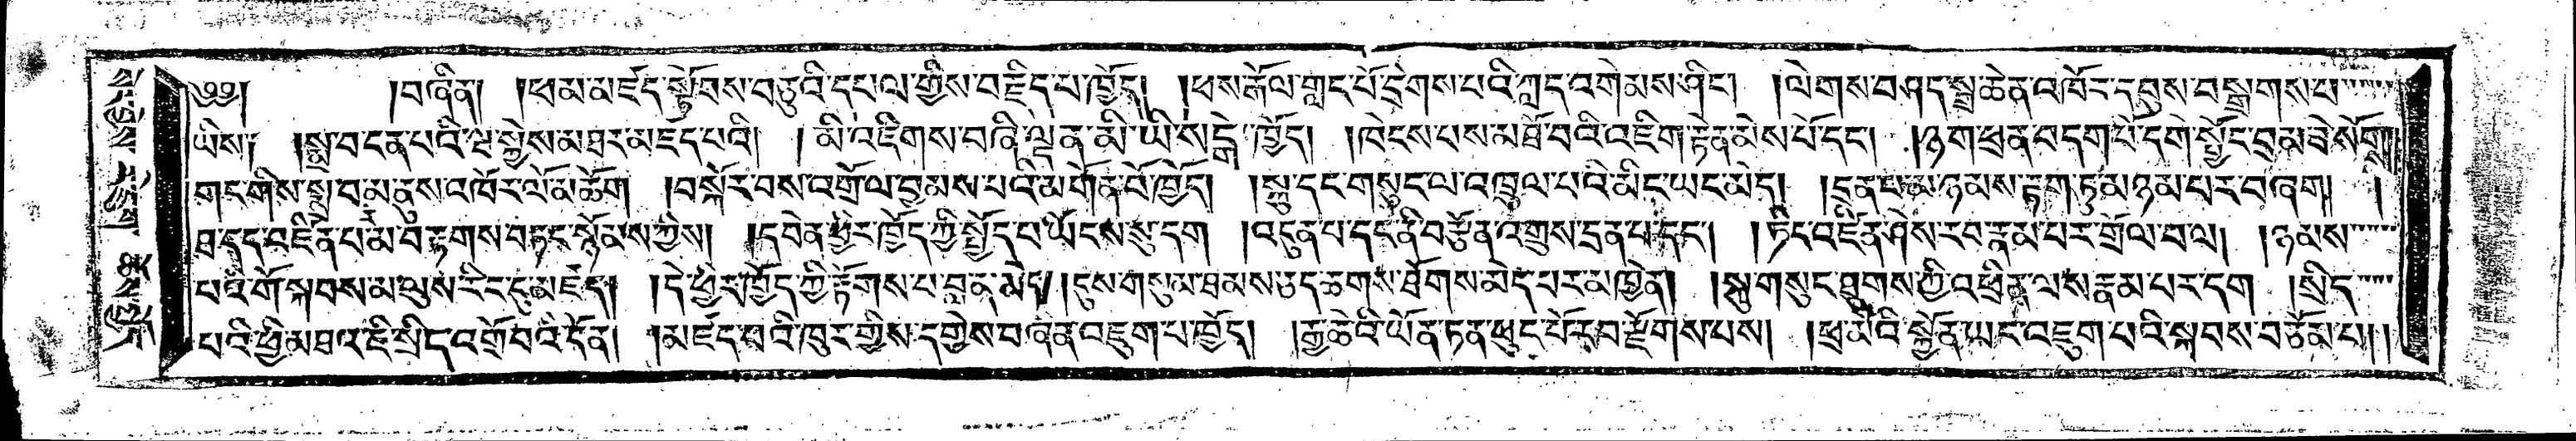༄༅། །བཞིན། །ཕམ་མཛད་སྟོབས་བཅུའི་དཔལ་གྱིས་བརྗིད་པ་ཁྱོད། །ཕས་རྒོལ་གླང་པོ་དྲེགས་པའི་ཀླད་འགེམས་ཤིང་། །ལེགས་བཤད་སྒྲ་ཆེན་འཁོར་དབུས་བསྒྲགས་པ་
ཡིས༑ །སྨྲ་བ་ངན་པའི་ཝ་སྐྱེས་མཐར་མཛད་པའི། །མི་འཇིགས་བཞི་ལྡན་མི་ཡི་སེངྒེ་ཁྱོད། །ཁེངས་པས་མཐོ་བའི་འཇིག་རྟེན་མེས་པོ་དང་། །ཉག་ཕྲན་བདག་པོ་དགེ་སྦྱོང་བྲམ་ཟེ་སོགས།།
གང་གིས་སྨྲ་བར་མ་ནུས་འཁོར་ལོ་མཆོག །བསྐོར་བས་འགྲོ་ལ་བྱམས་པའི་མགོན་པོ་ཁྱོད། །སྐུ་དང་གསུང་ལ་འཁྲུལ་པའི་མིང་ཡང་མེད། །དྲན་པ་མ་ཉམས་རྟག་ཏུ་མཉམ་པར་བཞག། །
ཐ་དད་འཛིན་པ་མ་བརྟགས་བཏང་སྙོམས་ཀྱིས། །དབེན་ཕྱིར་ཁྱོད་ཀྱི་སྤྱོད་པ་ཡོངས་སུ་དག །འདུན་པ་དང་ནི་བརྩོན་འགྲུས་དྲན་པ་དང་། །ཏིང་འཛིན་ཤེས་རབ་རྣམ་པར་གྲོལ་བ་ལ། །ཉམས་
པའི་གོ་སྐབས་མ་ལུས་རིང་དུ་མཛད། །དེ་ཕྱིར་ཁྱོད་ཀྱི་རྟོགས་པ་བླ་ན་མེད། །དུས་གསུམ་ཐམས་ཅད་ཆགས་ཐོགས་མེད་པར་མཁྱེན། །སྐུ་གསུང་ཐུགས་ཀྱི་འཕྲིན་ལས་རྣམ་པར་དག །སྲིད་
པའི་ཕྱི་མཐའ་ཇི་སྲིད་འགྲོ་བའི་དོན། །མཛད་པའི་ཁུར་གྱིས་དགྱེས་བཞིན་འཇུག་པ་ཁྱོད། །རྒྱ་ཆེའི་ཡོན་ཏན་ཕུང་པོ་རབ་རྫོགས་པས། །ཕྲ་མོའི་སྐྱོན་ཡང་འཇུག་པའི་སྐབས་བཅོམ་པ། །